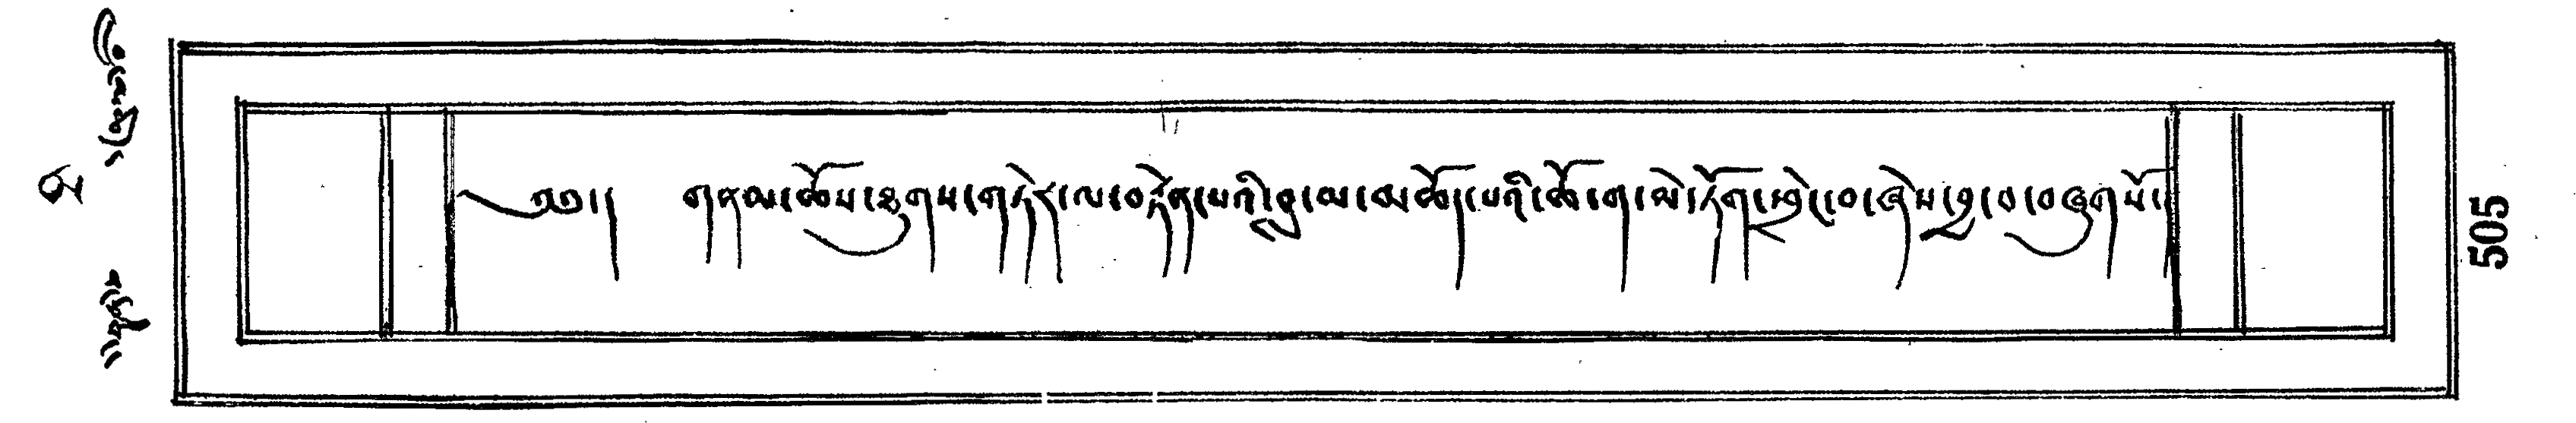༄༅། གནམ་ཆོས་ཐུགས་གཏེར་ལ་བརྟེན་པའི་བླ་མ་མཆོད་པའི་ཆོ་ག་མེ་ཏོག་ཕྲེང་བ་ཞེས་བྱ་བ་ཞུགས་སོ།